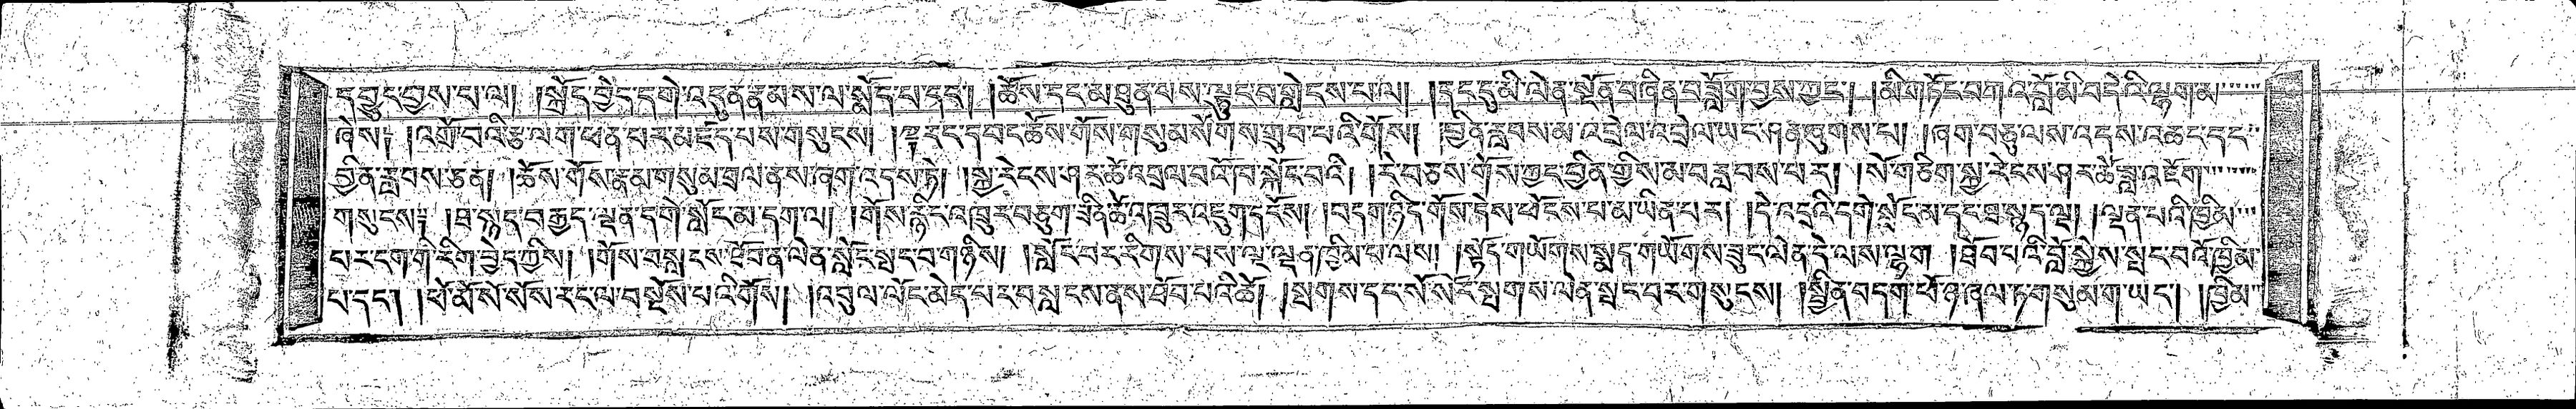དབྱུང་བྱས་པ་ལ། །སྐྲོད་བྱེད་དགེ་འདུན་རྣམས་ལ་སྨོད་པ་དང་། །ཆོས་དང་མཐུན་པས་ལྟུང་བ་གླེངས་པ་ལ། །དང་དུ་མི་ལེན་སྔོན་བཞིན་བཟློག་བྱས་ཀྱང་། །མི་གཏོང་བཀའ་བློ་མི་བདེའི་ལྷག་མ་
ཞེས༑ །འགྲོ་བའི་རྩ་ལག་ཕན་པར་མཛད་པས་གསུངས། །༈ རང་དབང་ཆོས་གོས་གསུམ་སོགས་གྲུབ་པའི་གོས། །བྱིན་རླབས་མ་འབྲེལ་འབྲེལ་ཡང་ཤན་ཞུགས་པ། །ཞག་བཅུ་ལས་འདས་འཆང་དང་
བྱིན་རླབས་ཅན། །ཆོས་གོས་རྣམ་གསུམ་བྲལ་ནས་ཞག་འདས་ཏེ། །སྐྱ་རེངས་ཤར་ཚེ་འབྲལ་བའོ་ཁ་སྐོང་བའི། །རེ་བཅས་གོས་ཀྱང་བྱིན་གྱིས་མ་བརླབས་པར། །སོ་གཅིག་སྐྱ་རེངས་ཤར་ཚེ་ཟླ་འཇོག་
གསུངས༑ །ཐ་སྙད་བརྒྱད་ལྡན་དགེ་སློང་མ་དག་ལ། །གོས་རྙིང་འཁྲུར་བཅུག་ཟིན་ཚེ་འཁྲུར་འཇུག་དངོས། །བདག་ཉིད་གོས་དེས་ཕོངས་པ་མ་ཡིན་པར། །དེ་འདྲའི་དགེ་སློང་མ་དང་ཐ་སྙད་ལྔ། །ལྡན་པའི་ཁྱིམ་
པར་ངག་གི་རིག་བྱེད་ཀྱིས། །གོས་བསླངས་ཐོབ་ན་ལེན་སློང་སྤང་བ་གཉིས། །སློང་བར་རིགས་པས་ལྔ་ལྡན་ཁྱིམ་པ་ལས། །སྟོད་གཡོགས་སྨད་གཡོགས་ཟུང་ལེན་དེ་ལས་ལྷག །ཐོབ་པའི་བློ་སྐྱེས་སྤང་བའོ་ཁྱིམ་
པ་དང་། །ཕོ་མོ་སོ་སོས་རང་ལ་བསྔོས་པའི་གོས། །འབུལ་ལོང་མེད་པར་བསླངས་ནས་ཐོབ་པའི་ཚེ། །སྤགས་དང་སོ་སོར་སྤགས་ལེན་སྤང་བར་གསུངས། །སྦྱིན་བདག་ཕོ་ཉ་ཞལ་ཏ་གསུམ་ག་ཡང་། །ཁྱིམ་